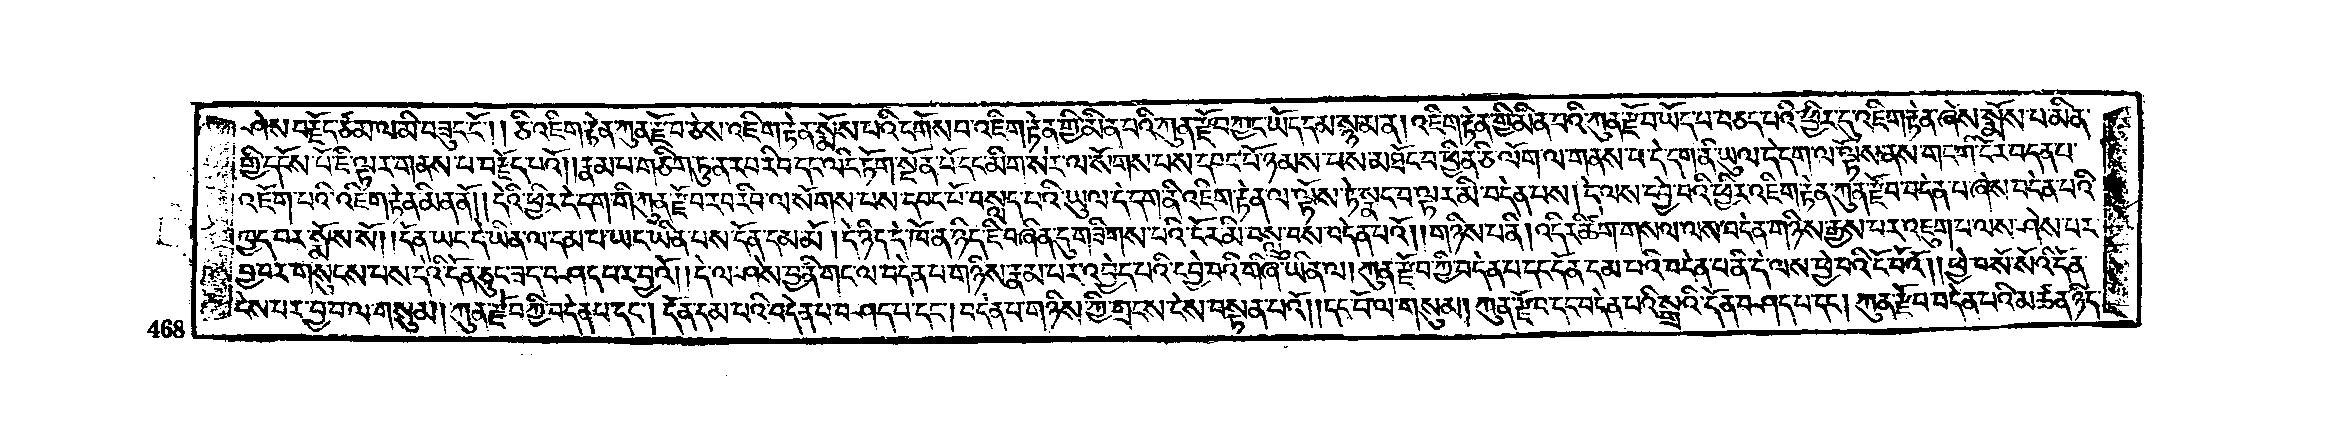ཤེས་བརྗོད་ཙམ་ལ་མི་བཟུང་ངོ། །ཅི་འཇིག་རྟེན་ཀུན་རྫོབ་ཅེས་འཇིག་རྟེན་སྨོས་པའི་དགོས་པ་འཇིག་རྟེན་གྱི་མིན་པའི་ཀུན་རྫོབ་ཀྱང་ཡོད་དམ་སྙམ་ན། འཇིག་རྟེན་གྱི་མིན་པའི་ཀུན་རྫོབ་ཡོད་པ་བཅད་པའི་ཕྱིར་དུ་འཇིག་རྟེན་ཞེས་སྨོས་པ་མིན་
གྱི་དངོས་པོ་ཇི་ལྟར་གནས་པ་བརྗོད་པའོ། །རྣམ་པ་གཅིག་ཏུ་ན་རབ་རིབ་དང་ལིང་ཏོག་སྔོན་པོ་དན་མིག་སེར་ལ་སོགས་པས་དབང་པོ་ཉམས་པས་མཐོང་བ་ཕྱིན་ཅི་ལོག་ལ་གནས་པ་དེ་དག་ནི་ཡུལ་དེ་དག་ལ་ལྟོས་ནས་གང་གི་ངོར་བདེན་པ་
འཇོག་པའི་འཇིག་རྟེན་མིན་ནོ། །དེའི་ཕྱིར་དེ་དག་གི་ཀུན་རྫོབ་རབ་རིབ་ལ་སོགས་པས་དབང་པོ་བསླད་པའི་ཡུལ་དེ་དག་ནི་འཇིག་རྟེན་ལ་ལྟོས་ཏེ་སྣང་བ་ལྟར་མི་བདེན་པས། དེ་ལས་དབྱེ་བའི་ཕྱིར་འཇིག་རྟེན་ཀུན་རྫོབ་བདེན་པ་ཞེས་བདེན་པའི་
ཁྱད་པར་སྨོས་སོ། །དོན་ཡང་དེ་ཡིན་ལ་དམ་པ་ཡང་ཡིན་པས་དོན་དམ་མོ། དེ་ཉིད་དེ་ཁོ་ན་ཉིད་ཇི་བཞིན་དུ་གཟིགས་པའི་ངོར་མི་བསླུ་བས་བདེན་པའོ། །གཉིས་པ་ནི། འདིར་ཚིག་གསལ་ལས་བདེན་གཉིས་རྒྱས་པར་འཇུག་པ་ལས་ཤེས་པར་
བྱ་བར་གསུངས་པས་དེའི་དོན་ཅུང་ཟད་བཤད་པར་བྱའོ། །དེ་ལ་ཤེས་བྱ་ནི་གང་ལ་བདེན་པ་གཉིས་རྣམ་པར་འབྱེད་པའི་དབྱེ་བའི་གཞི་ཡིན་ལ། ཀུན་རྫོབ་ཀྱི་བདེན་པ་དང་དོན་དམ་པའི་བདེན་པ་ནི་དེ་ལས་ཕྱེ་བའི་ངོ་བོའོ། །ཕྱེ་བ་སོ་སོའི་དོན་
ངེས་པར་བྱ་བ་ལ་གསུམ། ཀུན་རྫོབ་ཀྱི་བདེན་པ་དང་། དོན་དམ་པའི་བདེན་པ་བཤད་པ་དང་། བདེན་པ་གཉིས་ཀྱི་གྲངས་ངེས་བསྟན་པའོ། །དང་པོ་ལ་གསུམ། ཀུན་རྫོབ་དང་བདེན་པའི་སྒྲའི་དོན་བཤད་པ་དང་། ཀུན་རྫོབ་བདེན་པའི་མཚན་ཉིད་